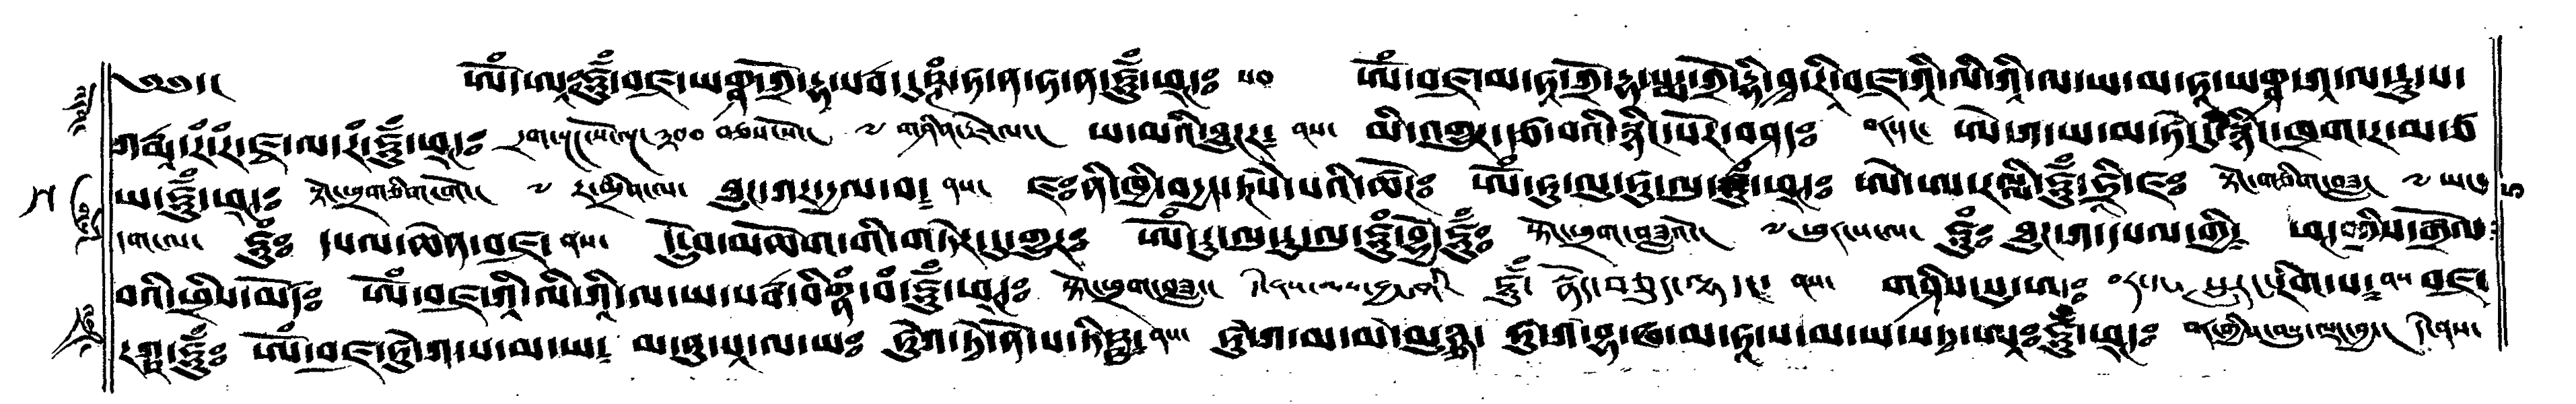ཨོཾ་ཨཱཿཧཱུྃ་བཛྲ་ཡཀྴ་ཀྲོ་དྷ་སརྦ་དུཥྚན་ཧ་ན་ཧ་ན་ཧཱུྃ་ཕཊཿ ཨོཾ་བཛྲ་མ་ཧཱ་ཀྲོ་དྷ་པདྨ་ཀྲོ་དྷི་ཤྭ་རཱི་བཛྲ་ཀཱི་ལི་ཀཱི་ལ་ཡ་མ་ཧཱ་ཡཀྴ་ཀཱ་ལ་རུ་པ་
ཀརྨ་རཾ་རཾ་ཛྭ་ལ་རཾ་ཧཱུྃ་ཕཊ༔ དྲག་སྔགས་སོ་ལྔ་བཅས་སོ། གཤིན་རྗེ་ལ། ཡ་མའི་ཐུགས་ཀར༴ ནས། མི་འགྱུར་རྩ་བའི་སྙིང་པོར་བཤད༔ བར་དང་། ཨེ་ཀ་ཡ་མ་ཧེ་དུཾ་སྙིང་ཁྲག་ར་མ་ཙ་
ཡ་ཧཱུྃ་ཕཊ༔ སྟོང་ཕྲག་གཅིག་གོ རྟ་མགྲིན་ལ། ཐུགས་ཀར་རྒྱལ་བ༴ ནས། ཛཿནི་ཁྱི་བརྒྱད་རྔམས་པའི་ཚོགས༔ ཨོཾ་ཧུ་ལུ་ཧུ་ལུ་ཧཱུྃ་ཕཊཿ ཨེ་ཨ་རལླི་ཧཱུྃ་ཧྲཱི་ཛཿ སྟོང་གཅིག་བཟླ། ཡང་
དག་ལ། ཧཱུཾཿ དཔལ་ཆེན་བཛྲ། ནས། དངོས་གྲུབ་མཆོག་གི་གཏེར་དུ་གྱུརཿ ཨོཾ་རུ་ལུ་རུ་ལུ་ཧཱུཾ་བྷྱོ་ཧཱུྃཿ སྟོང་ཕྲག་བཟླའོ། ཕུར་པ་ལ། ཧཱུྃ༔ ཐུགས་ཀ་དཔལ་གྱི༴ ནས། ཕཊཿཀྱིས་སྒྲོལ་
བའི་ཕྲིན་ལས་མཛོདཿ ཨོཾ་བཛྲ་ཀཱི་ལི་ཀཱི་ལ་ཡ་སརྦ་བིགྣན་བཾ་ཧཱུྃ་ཕཊཿ སྟོང་ཕྲག་བཟླ། དེ་ནས་ལས་བྱང་གི། ཧཱུྃཿ སྣོད་བཅུད་ལྷ༴ ནས། གཤིས་སུ་ཨཿ བར་དང་། སླར་ཡང་རིག་པ༴ ནས། བཛྲ་
རཀྵ་ཧཱུྃཿ ཨོཾ་བཛྲ་ཧེ་རུ་ཀ་ས་མ་ཡ༴ མ་ནུ་པཱ་ལ་ཡཿ ཧེ་རུ་ཀ་ཏྭེ་ནོ་པ་ཏིཥྛ༴ ནས། ཧེ་རུ་ཀ་མ་མེ་མུཉྩཿ ཧེ་རུ་ཀ་བྷ་ཝ་མ་ཧཱ་ས་མ་ཡ་ས་ཏྭ་ཨཱཿཧཱུྃ་ཕཊཿ བར་གྱིས་བསྡུ་ལྡང་བྱ། དེ་ནས་